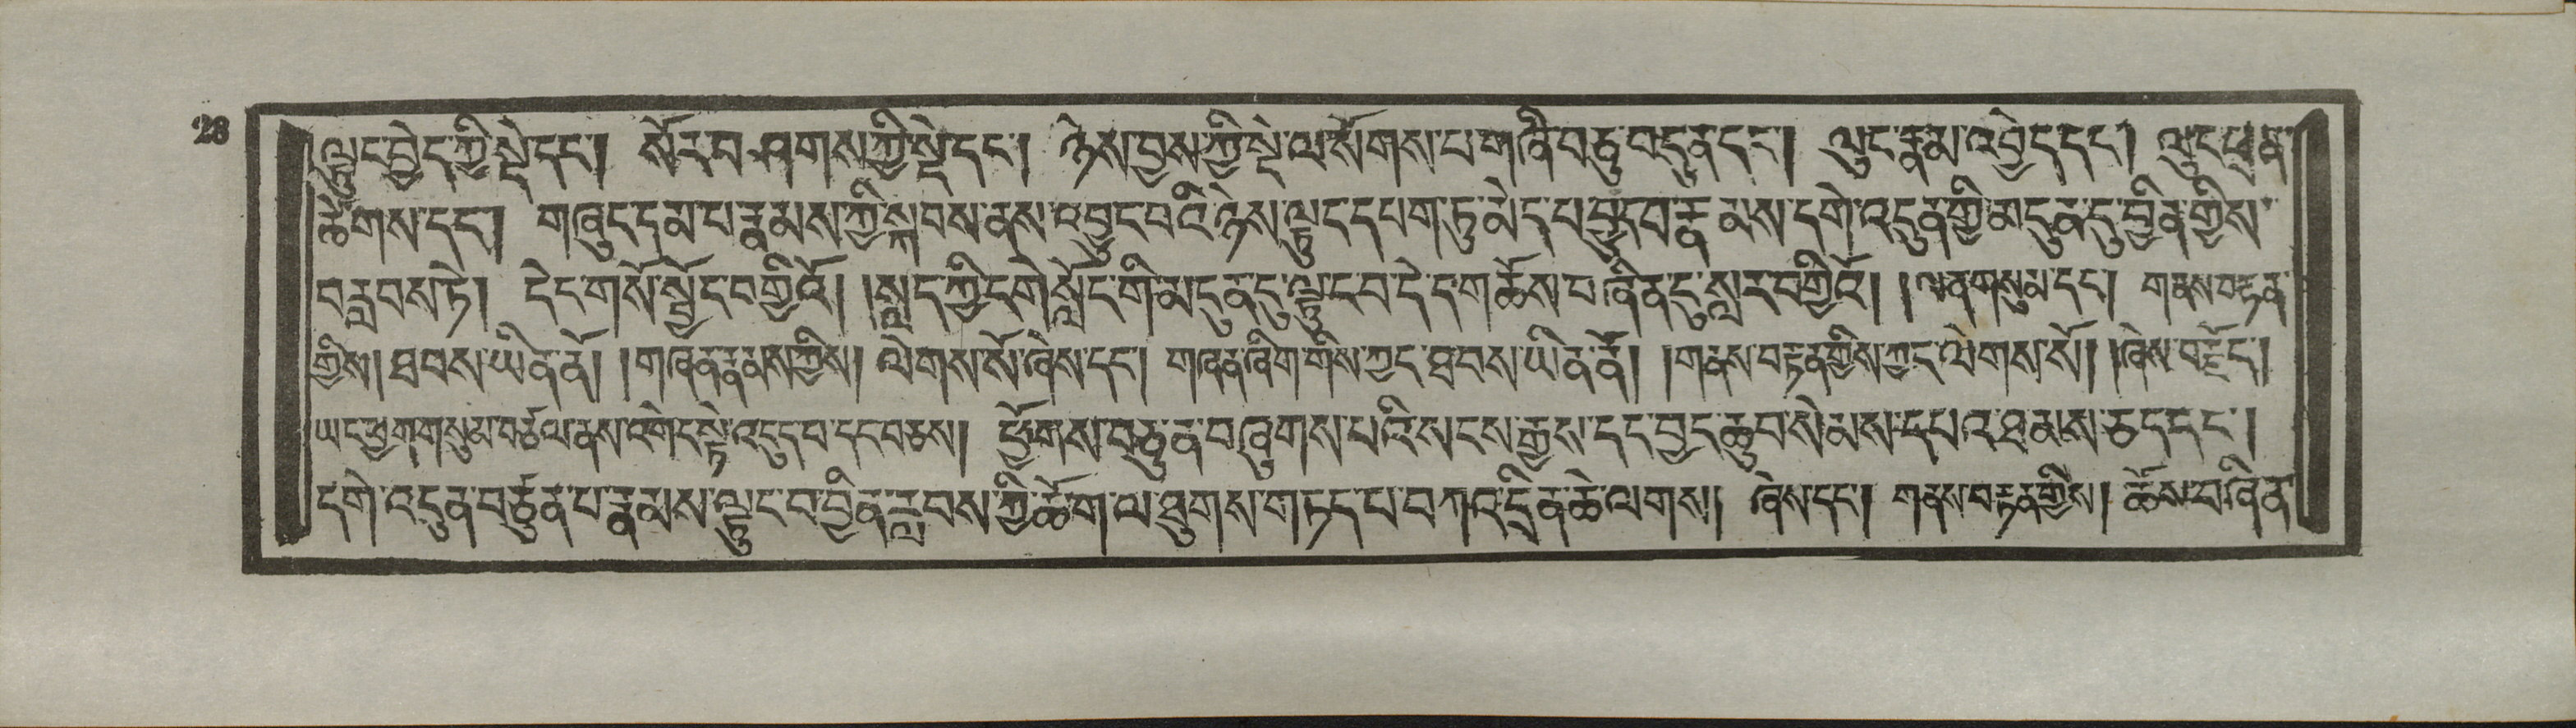ལྟུང་བྱེད་ཀྱི་སྡེ་དང་། སོར་བཤགས་ཀྱི་སྡེ་དང་། ཉེས་བྱས་ཀྱི་སྡེ་ལ་སོགས་པ་གཞི་བཅུ་བདུན་དང་། ལུང་རྣམ་འབྱེད་དང་། ལུང་ཕྲན་
ཚེགས་དང་། གཞུང་དམ་པ་རྣམས་ཀྱི་སྐབས་ནས་འབྱུང་བའི་ཉེས་ལྟུང་དཔག་ཏུ་མེད་པ་བྱུང་བ་རྣམས་དགེ་འདུན་གྱི་མདུན་དུ་བྱིན་གྱིས་
བརླབས་ཏེ། དེང་གསོ་སྦྱོང་བགྱིའོ། །སླད་ཀྱི་དགེ་སློང་གི་མདུན་དུ་ལྟུང་བ་དེ་དག་ཆོས་བཞིན་དུ་སླར་བགྱིའོ། །ལན་གསུམ་དང་། གནས་བརྟན་
གྱིས། ཐབས་ཡིན་ནོ། །གཞན་རྣམས་ཀྱིས།  ལེགས་སོ་ཞེས་དང་། གཞན་ཞིག་གིས་ཀྱང་ཐབས་ཡིན་ནོ། །གནས་བརྟན་གྱིས་ཀྱང་ལེགས་སོ། །ཞེས་བརྗོད།
ཡང་ཕྱག་གསུམ་བཙལ་ནས་འགེང་སྟེ་འདུད་པ་དང་བཅས། ཕྱོགས་བཅུ་ན་བཞུགས་པའི་སངས་རྒྱས་དང་བྱང་ཆུབ་སེམས་དཔའ་ཐམས་ཅད་དང་།
དགེ་འདུན་བཙུན་པ་རྣམས་ལྟུང་བ་བྱིན་རླབས་ཀྱི་ཆོ་ག་ལ་ཐུགས་གཏད་པ་བཀའ་དྲིན་ཆེ་ལགས། ཞེས་དང་། གནས་བརྟན་གྱིས།  ཆོས་བཞིན་